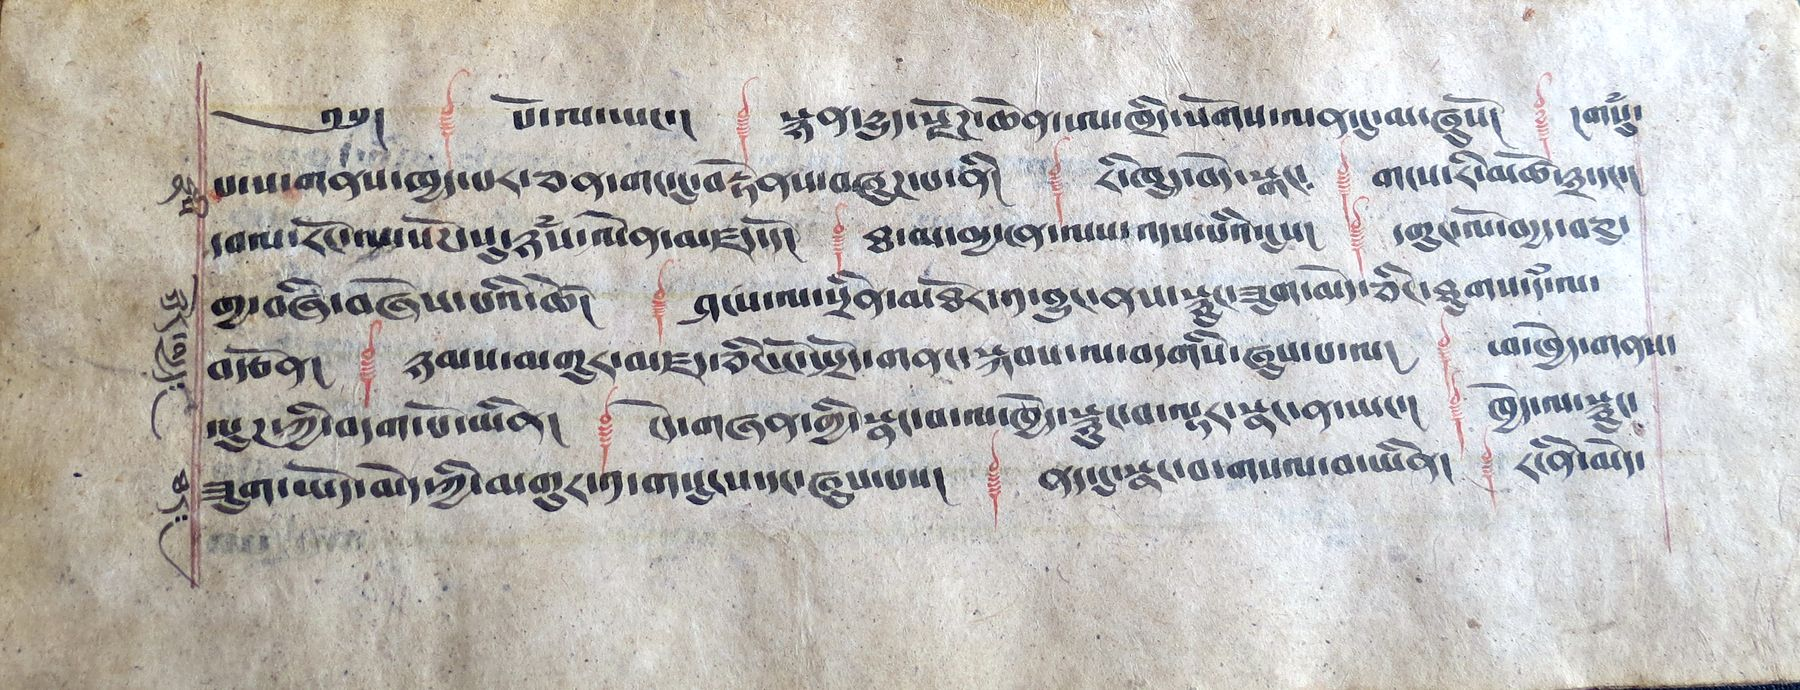ལ་ཡང་། སྙན་རྒྱུད་རྫོགས་ཆེན་ཨ་ཁྲིད་སོགས་དུ་མ་ཞུས་སོ། ། གསུམ་
པ་ས་གནས་ཁྱད་པར་ཅན་གང་དུ་བརྟེན་པའི་ཚེ་དུ་བཞུགས་པ་ནི། རི་ཁུད་བདེ་སྒང་། གངས་རི་མཚོ་གསུམ་དང་། 
དབལ་རོང་ལས་སོགས་སུ་ཉམས་ལེན་མཛད་དོ། ། ཐ་མ་མྱ་ངན་ལས་འདས་པའི་དུས། དགུང་ལོ་བརྒྱད་ཅུ་
གྱ་བཞི་བཞེས་པའི་ཚེ། ཤངས་ལ་སྲིན་དོར་ཞིག་བྱུང་ནས་སྙུང་ཟུག་མེད་ཅིང་ཐུགས་དམ་ལ།
བརྩོན། ཉམས་མགུར་མཛད་ཅིང་ངོ་སྤྲོད་གནང་། སྐབས་ལ་བདག་གི་ཞུས་པ་ལ། ཕ་ཁྱེད་གནས་
ལུགས་ཀྱི་བདག་པོ་ཡིན། ངེད་གཞན་གྱིས་སྣང་བ་ལ་ཁྱེད་བསྙུང་བ་ལྟར་སྣང་ཡང་། ཁྱེད་ལ་བསྙུང་
ཟུག་ཡོད་མེད་ཀྱི་མགུར་ཞིག་གསུངས་དང་ཞུས་པ་ལ། ནད་དུ་སྣང་བ་གསལ་བ་ཡིན། རང་བཞིན་མེད་